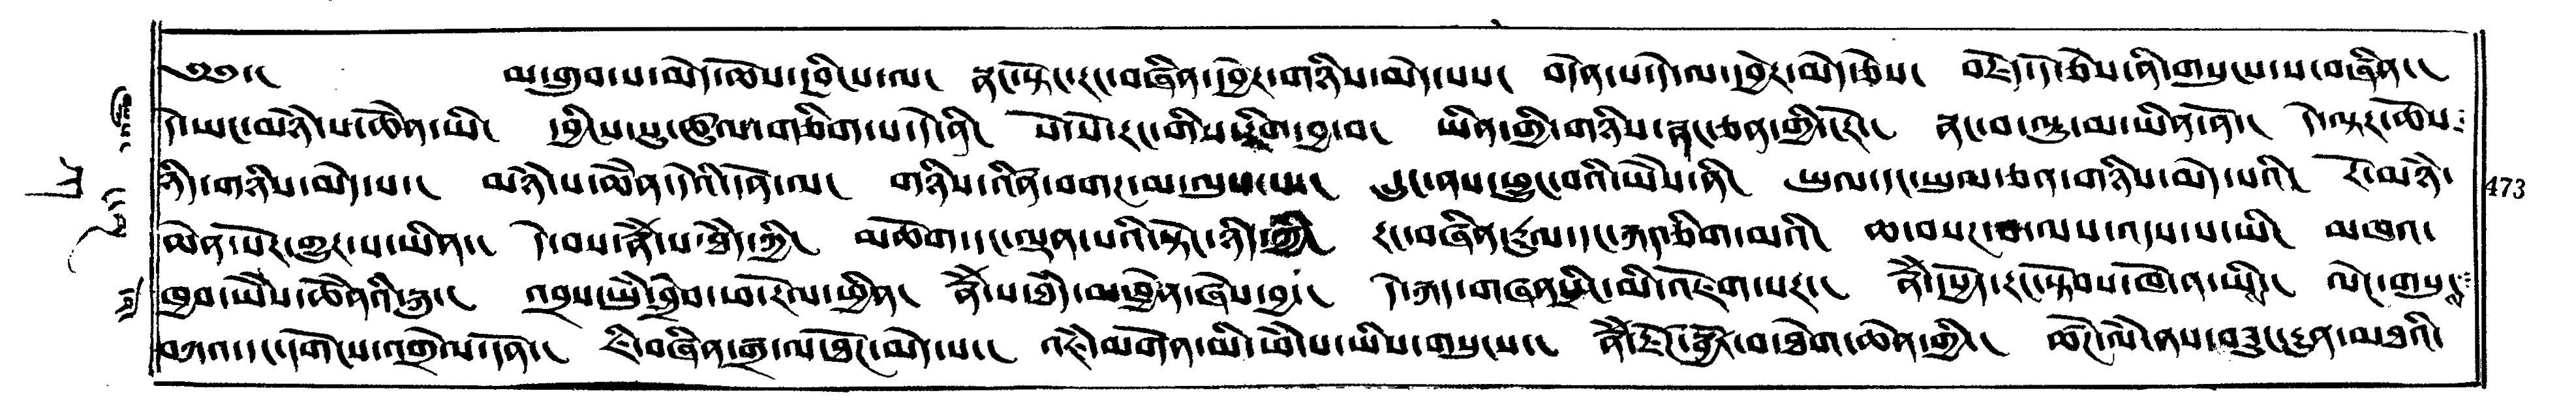མ་གྲུབ་པ་མེད་ཆོས་དབྱིངས་ལ། །སྣང་སྟོང་རང་བཞིན་དབྱེར་མེད་པས། །བདེན་པ་དེ་ལ་དབྱེར་མེད་ཅེས། །བརྗོད་དོ་ཞེས་ནི་གསུངས་པ་བཞིན། །
དེ་ཡང་མཉམ་པ་ཆེན་པོ་ཡི། །དབྱིངས་སུ་ཚུལ་གཅིག་པ་དེ་ནི། །སོ་སོ་རང་གིས་རིག་བྱ་བ། །ཡིན་གྱི་གཉིས་སྣང་ཅན་གྱི་ངོར། །སྣང་བ་ལྟ་བུ་མ་ཡིན་ནོ། །དེ་ལྟར་ཆོས་
ཉིད་གཉིས་མེད་པ། །མཉམ་པ་ཆེན་པོ་དེའི་དོན་ལ། །གཉིས་འཛིན་བག་ཆགས་མ་ལུས་པ། །དྲུང་ནས་ཕྱུང་བའི་ཡེ་ཤེས་ནི། །ཡུལ་དང་ཡུལ་ཅན་གཉིས་མེད་པའི། །རོ་མཉམ་
ཆེན་པོར་གྱུར་པ་ཡིན། །དེ་བས་རྣམ་པ་ཐམས་ཅད་ཀྱི། །མཆོག་དང་ལྡན་པའི་སྟོང་ཉིད་ཀྱི། །རང་བཞིན་རྡུལ་དང་སྐད་ཅིག་མའི། །ཆ་བསགས་པ་ལས་འདས་པ་ཡི། །མཁའ་
ཁྱབ་ཡེ་ཤེས་ཆེན་པོའི་སྐུ། །འབྲས་ཡུམ་ཤེས་རབ་ཕ་རོལ་ཕྱིན། །རྣམ་པ་ཐམས་ཅད་མཁྱེན་ཞེས་བྱ། །དེ་སྐད་གཞན་དྲིང་མི་འཇོག་པར། །རྣམ་དཔྱོད་རང་སྟོབས་ཁོ་ན་ཡིས། །ལེགས་གསུངས་
བཀའ་དང་དགོངས་འགྲེལ་དོན། །ཇི་བཞིན་སྨྲ་ལ་ཐོགས་མེད་པ། །འཇམ་མགོན་མི་ཕམ་པ་ཡིས་གསུངས། །རྣམ་རྫོགས་སྦྱོར་བ་ཐེག་ཆེན་གྱི། །ཚོགས་ལམ་ནས་བཟུང་རྒྱུན་མཐའི་